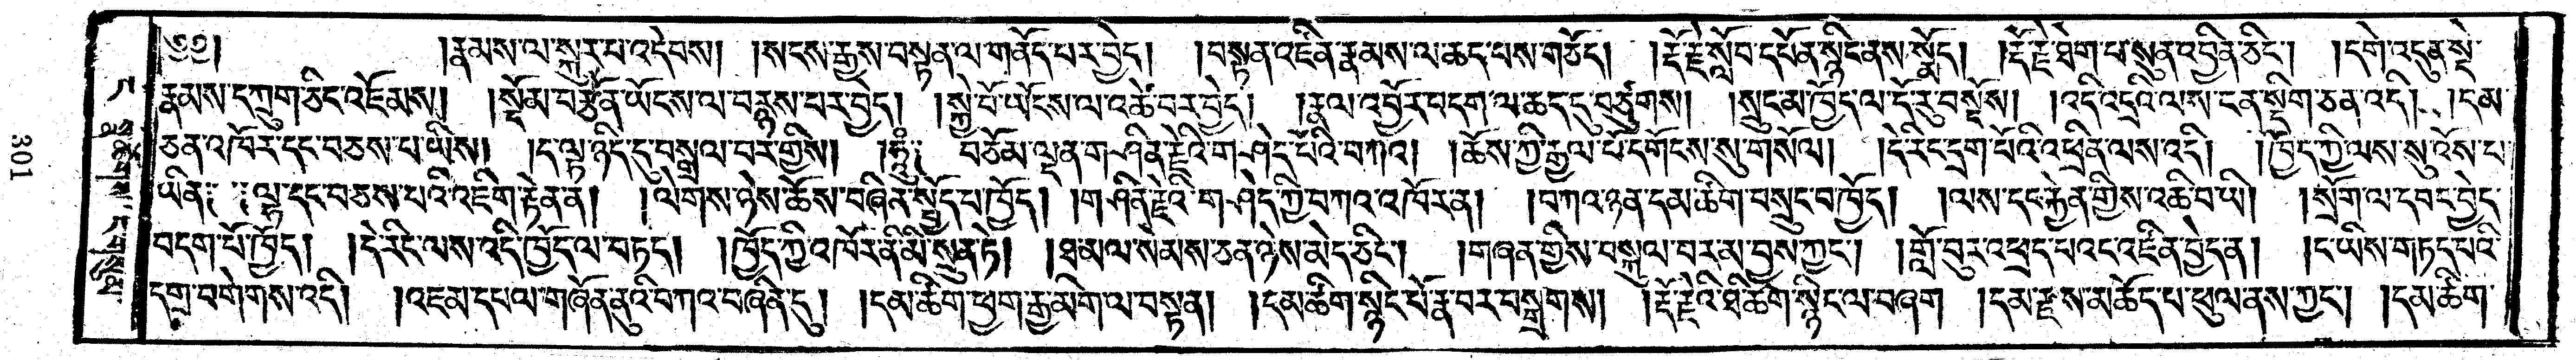༄༅། །རྣམས་ལ་སྐུར་པ་འདེབས། །སངས་རྒྱས་བསྟན་ལ་གནོད་པར་བྱེད། །བསྟན་འཛིན་རྣམས་ལ་ཆད་པས་གཅོད། །རྡོ་རྗེ་སློབ་དཔོན་སྙིང་ནས་སྨོད། །རྡོ་རྗེ་ཐེག་པ་སུན་འབྱིན་ཅིང་། །དགེ་འདུན་སྡེ་
རྣམས་དཀྲུག་ཅིང་འཇོམས། །སྡོམ་བརྩོན་ཡོངས་ལ་བརྙས་པར་བྱེད། །སྐྱེ་བོ་ཡོངས་ལ་འཚེ་བར་བྱེད། །རྣལ་འབྱོར་བདག་ལ་ཆད་དུ་བཙུགས། །སྲུང་མ་ཁྱོད་ལ་དོ་རུ་བསྡོས། །འདི་འདྲའི་ལས་ངན་སྡིག་ཅན་འདི། །དམ་
ཅན་འཁོར་དང་བཅས་པ་ཡིས། །ད་ལྟ་ཉིད་དུ་བསྒྲལ་བར་གྱིས། །ཧཱུཾ༑ བཅོམ་ལྡན་གཤིན་རྗེའི་གཤེད་པོའི་བཀའ། །ཆོས་ཀྱི་རྒྱལ་པོ་དགོངས་སུ་གསོལ། །དེ་རིང་དྲག་པོའི་འཕྲིན་ལས་འདི། །ཁྱོད་ཀྱི་ལས་སུ་འོས་པ་
ཡིན༑ ༑ལྷ་དང་བཅས་པའི་འཇིག་རྟེན་ན། །ལེགས་ཉེས་ཆོས་བཞིན་སྤྱོད་པ་ཁྱོད། །གཤིན་རྗེའི་གཤེད་ཀྱི་བཀའ་འཁོར་ན། །བཀའ་ཉན་དམ་ཚིག་བསྲུང་བ་ཁྱོད། །ལས་དང་རྐྱེན་གྱིས་འཆི་བ་ཡི། །སྲོག་ལ་དབང་བྱེད་
བདག་པོ་ཁྱོད། །དེ་རིང་ལས་འདི་ཁྱོད་ལ་བཏད། །ཁྱོད་ཀྱི་འཁོར་ནི་མི་སྲུན་ཏེ། །ཐ་མལ་སེམས་ཅན་ཉེས་མེད་ཅིང་། །གཞན་གྱིས་བསྐུལ་བར་མ་བྱས་ཀྱང་། །གློ་བུར་འཕྲད་པའང་འཛིན་བྱེད་ན། །ང་ཡིས་གཏད་པའི་
དགྲ་བགེགས་འདི། །འཇམ་དཔལ་གཞོན་ནུའི་བཀའ་བཞིན་དུ། །དམ་ཚིག་ཕྱག་རྒྱ་མིག་ལ་བསྟན། །དམ་ཚིག་སྙིང་པོ་རྣ་བར་བསྒྲགས། །རྡོ་རྗེའི་ཐི་ཚག་སྙིང་ལ་བཞག །དམ་རྫས་མཆོད་པ་ཕུལ་ནས་ཀྱང་། །དམ་ཚིག་